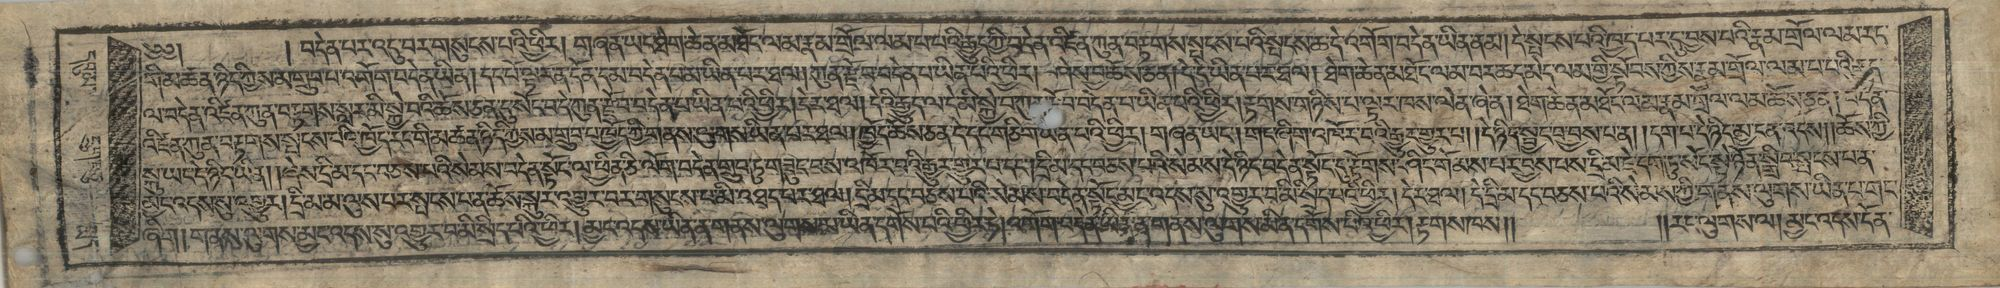༄༅། །བདེན་པར་འདུ་བར་གསུངས་པའི་ཕྱིར། གཞན་ཡང་ཐེག་ཆེན་མཐོང་ལམ་རྣམ་གྲོལ་ལམ་པ་པའི་རྒྱུད་ཀྱི་བདེན་འཛིན་ཀུན་བརྟགས་སྤངས་པའི་སྤངས་ཆ་དེ་འགོག་བདེན་ཡིན་ནམ། དེ་སྤངས་པའི་ཁྱད་པར་དུ་བྱས་པའི་རྣམ་གྲོལ་ལམ་རང་
གི་མཚན་ཉིད་ཀྱིས་མ་གྲུབ་པ་འགོག་བདེན་ཡིན། དང་པོ་ལྟར་ན་དོན་དམ་བདེན་པ་མ་ཡིན་པར་ཐལ། ཀུན་རྫོབ་བདེན་པ་ཡིན་པའི་ཕྱིར། ཤེས་བྱ་ཆོས་ཅན། དེ་དེ་ཡིན་པར་ཐལ། ཐེག་ཆེན་མཐོང་ལམ་བར་ཆད་མེད་ལམ་གྱི་སྟོབས་ཀྱིས་རྣམ་གྲོལ་ལམ་པ་པའི་རྒྱུད་
ལ་བདེན་འཛིན་ཀུན་བརྟགས་སླར་མི་སྐྱེ་བའི་ཆོས་ཅན་དུ་སོང་བ་དེ་ཀུན་རྫོབ་བདེན་པ་ཡིན་པའི་ཕྱིར། དེར་ཐལ། དེའི་རྒྱུད་ལ་དེ་མི་སྐྱེ་བ་ཀུན་རྫོབ་བདེན་པ་ཡིན་པའི་ཕྱིར། རྟགས་གཉིས་པ་ལྟར་ཁས་ལེན་ཞེ་ན། ཐེག་ཆེན་མཐོང་ལམ་རྣམ་གྲོལ་ལམ་ཆོས་ཅན། བདེན་
འཛིན་ཀུན་བརྟགས་སྤངས་པའི་ཁྱོད་རང་གི་མཚན་ཉིད་ཀྱིས་མ་གྲུབ་པ་ཁྱོད་ཀྱི་གནས་ལུགས་ཡིན་པར་ཐལ། ཁྱོད་ཆོས་ཅན་དེ་དང་གཅིག་ཡིན་པའི་ཕྱིར། གཞན་ཡང་། གང་ཞིག་འཁོར་བའི་རྒྱུར་གྱུར་བ། །དེ་ཉིད་སྤྱངྦ་བྱས་པ་ན། །དག་པ་དེ་ཉིད་མྱ་ངན་འདས། །ཆོས་ཀྱི་
སྐུ་ཡང་དེ་ཉིད་ཡིན། །ཞེས་དྲི་མ་དང་བཅས་པའི་སེམས་བདེན་སྟོང་ལ་ཕྱིན་ཅི་ལོག་བདེན་གྲུབ་ཏུ་གཟུང་བས་འཁོར་བའི་རྒྱུར་གྱུར་པ་དང་། དྲི་མ་དང་བཅས་པའི་སེམས་དེ་ཉིད་བདེན་སྟོང་དུ་རྟོགས་ཤིང་གོམས་པར་བྱས་པས་དྲི་མ་ཇི་དག་ཏུ་སོང་སྟེ་ཉོན་སྒྲིབ་སྤངས་པ་ན་
མྱང་འདས་སུ་འགྱུར། དྲི་མ་མ་ལུས་པར་སྤངས་པ་ན་ཆོས་སྐུར་འགྱུར་བར་གསུངས་པ་མི་འཐད་པར་ཐལ། དྲི་མ་དང་བཅས་པའི་སེམས་བདེན་སྟོང་མྱང་འདས་སུ་འགྱུར་བ་མི་སྲིད་པའི་ཕྱིར། དེར་ཐལ། དེ་དྲི་མ་དང་བཅས་བའི་སེམས་ཀྱི་གནས་ལུགས་ཡིན་པ་གང་
ཞིག །གནས་ལུགས་མྱང་འདས་སུ་འགྱུར་བ་མི་སྲིད་པའི་ཕྱིར། མྱང་འདས་ཡིན་ན་གནས་ལུགས་མ་ཡིན་དགོས་པའི་ཕྱིར་ཏེ། འགོག་བདེན་ཡིན་ན་གནས་ལུགས་མིན་དགོས་པའི་ཕྱིར། རྟགས་ཁས།། །།རང་ལུགས་ལ་མྱང་འདས་དོན་